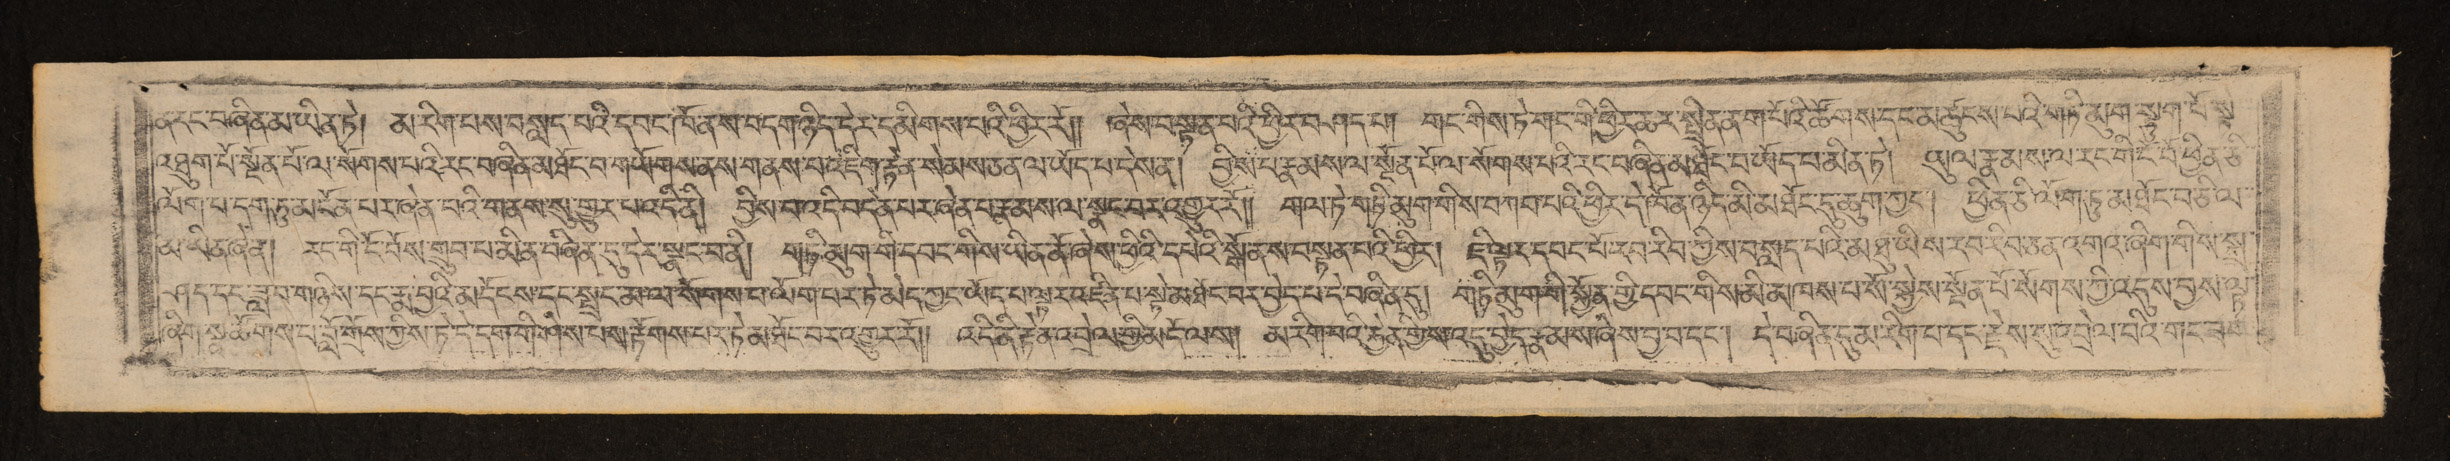ན་རང་བཞིན་མ་ཡིན་ཏེ། མ་རིག་པས་བསླད་པའི་དབང་ཁོ་ནས་བདག་ཉིད་དེར་དམིགས་པའི་ཕྱིར་རོ།། ཞེས་བསྟན་པའི་ཕྱིར་བཤད་པ། གང་གིས་ཏེ་གང་གི་ཕྱིར་ཆར་སྤྲིན་ནག་པོའི་ཚོགས་དང་མཚུངས་པའི་གཏི་མུག་སྟུག་པོ་སྟེ་
འཐུག་པོ་སྔོན་པོ་ལ་སོགས་པའི་རང་བཞིན་མཐོང་བ་གཡོགས་ནས་གནས་པ་འཇིག་རྟེན་སེམས་ཅན་ལ་ཡོད་པ་དེས་ན། བྱིས་པ་རྣམས་ལ་སྔོན་པོ་ལ་སོགས་པའི་རང་བཞིན་མཐོང་བ་ཡོད་པ་མིན་ཏེ། ཡུལ་རྣམས་ལ་རང་གི་ངོ་བོ་ཕྱིན་ཅི་
ལོག་པ་དག་ཏུ་མངོན་པར་ཞེན་པའི་གནས་སུ་གྱུར་པ་འདི་ནི། བྱིས་པ་འདི་བདེན་པར་ཞེན་པ་རྣམས་ལ་སྣང་བར་འགྱུར་རོ།། གལ་ཏེ་གཏི་མུག་གིས་བཀབ་པའི་ཕྱིར་དེ་ཁོ་ན་ཉིད་མི་མཐོང་དུ་ཆུག་ཀྱང་། ཕྱིན་ཅི་ལོག་ཏུ་མཐོང་བ་ཅི་ལ་
མ་ཡིན་ཞེ་ན། རང་གི་ངོ་བོས་གྲུབ་པ་མིན་བཞིན་དུ་དེར་སྣང་བ་ནི། གཏི་མུག་གི་དབང་གིས་ཡིན་ནོ་ཞེས་ཕྱིའི་དཔེའི་སྒོ་ནས་བསྟན་པའི་ཕྱིར། ཇི་ལྟར་དབང་པོ་རབ་རིབ་ཀྱིས་བསླད་པའི་མཐུ་ཡིས་རབ་རིབ་ཅན་འགའ་ཞིག་གིས་སྐྲ་
ཤད་དང་ཟླ་བ་གཉིས་དང་རྨ་བྱའི་མདོངས་དང་སྦྲང་མ་ལ་སོགས་པ་ལོག་པར་ཏེ་མེད་ཀྱང་ཡོད་པ་ལྟར་འཛིན་པ་སྟེ་མཐོང་བར་བྱེད་པ་དེ་བཞིན་དུ། གཏི་མུག་གི་སྐྱོན་གྱི་དབང་གིས་མི་མཁས་པ་སོ་སྐྱེས་སྔོན་པོ་སོགས་ཀྱི་འདུས་བྱས་ལྟ་
ཞིག་སྣ་ཚོགས་པ་བློ་གྲོས་ཀྱིས་ཏེ་དེ་དག་གི་ཤེས་པས་རྟོགས་པར་ཏེ་མཐོང་བར་འགྱུར་རོ།། འདི་ནི་རྟེན་འབྲེལ་གྱི་མདོ་ལས། མ་རིག་པའི་རྐྱེན་གྱིས་འདུ་བྱེད་རྣམས་ཞེས་བྱ་བ་དང་། དེ་བཞིན་དུ་མ་རིག་པ་དང་རྗེས་སུ་འབྲེལ་བའི་གང་ཟག་